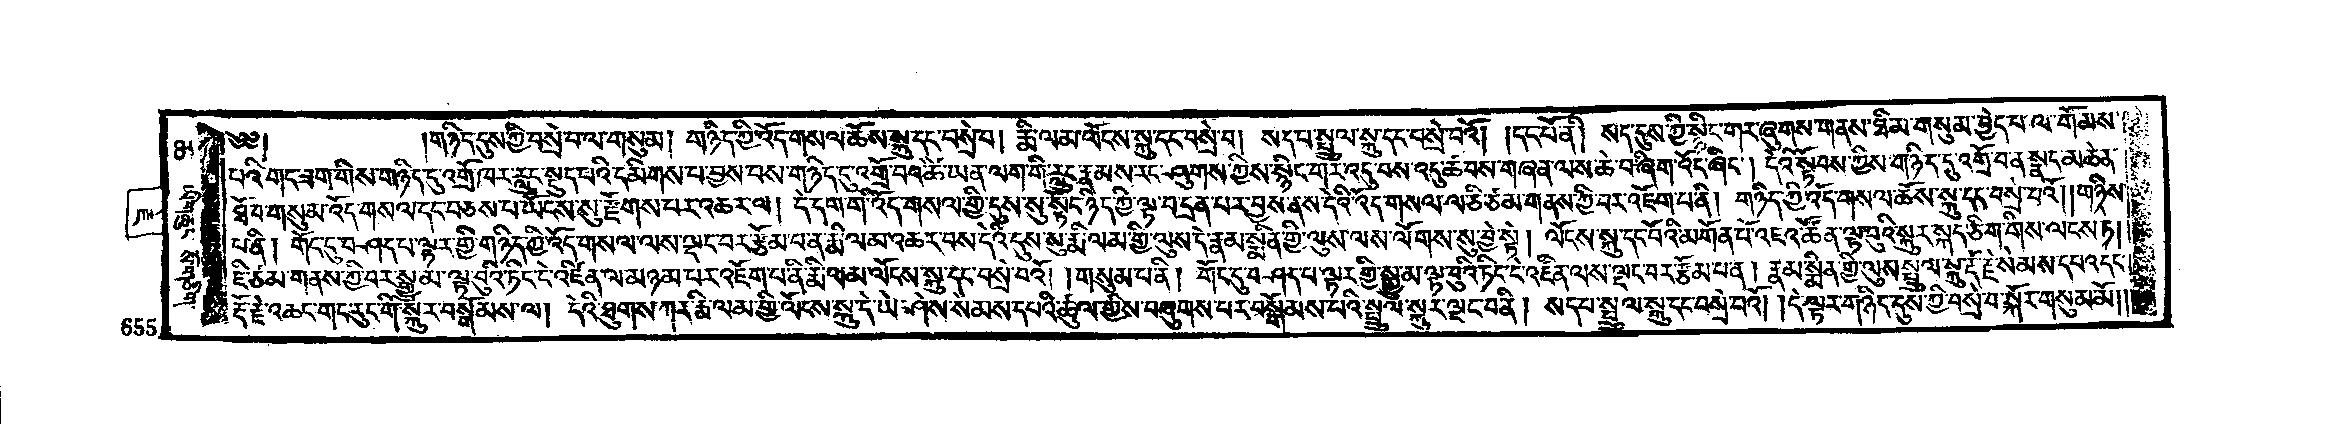༄༅། །གཉིད་དུས་ཀྱི་བསྲེ་བ་ལ་གསུམ། གཉིད་ཀྱི་འོད་གསལ་ཆོས་སྐུ་དང་བསྲེ་བ། རྨི་ལམ་ལོངས་སྐུ་དང་བསྲེ་བ། སད་པ་སྤྲུལ་སྐུ་དང་བསྲེ་བའོ། །དང་པོ་ནི། སད་དུས་ཀྱི་སྙིང་གར་ཞུགས་གནས་ཐིམ་གསུམ་བྱེད་པ་ལ་གོམས་
པའི་གང་ཟག་གིས་གཉིད་དུ་འགྲོ་ཁར་རླུང་སྡུད་པའི་དམིགས་པ་བྱས་པས་གཉིད་དུ་འགྲོ་བའི་ཚེ་ཡན་ལག་གི་རླུང་རྣམས་རང་ཤུགས་ཀྱིས་སྙིང་གར་འདུ་བས་འདུ་ཚབས་གཞན་ལས་ཆེ་བ་ཞིག་འོང་ཞིང་།དེའི་སྟོབས་ཀྱིས་གཉིད་དུ་འགྲོ་བ་ན་སྣང་མཆེད་
ཐོབ་གསུམ་འོད་གསལ་དང་བཅས་པ་ཡོངས་སུ་རྫོགས་པར་འཆར་ལ། དེ་དག་གི་འོད་གསལ་གྱི་དུས་སུ་སྟོང་ཉིད་ཀྱི་ལྟ་བ་དྲན་པར་བྱས་ནས་དེའི་འོད་གསལ་ལ་ཅི་ཙམ་གནས་ཀྱི་བར་འཇོག་པ་ནི། གཉིད་ཀྱི་འོད་གསལ་ཆོས་སྐུ་དང་བསྲེ་བའོ། །གཉིས་
པ་ནི། གོང་དུ་བཤད་པ་ལྟར་གྱི་གཉིད་ཀྱི་འོད་གསལ་ལས་ལྡང་བར་རྩོམ་པ་ན་རྨི་ལམ་འཆར་བས་དེའི་དུས་སུ་རྨི་ལམ་གྱི་ལུས་དེ་རྣམ་སྨིན་གྱི་ལུས་ལས་ལོགས་སུ་བྱེ་སྟེ། ལོངས་སྐུ་དང་པོའི་མགོན་པོ་འཇའ་ཚོན་ལྟ་བུའི་སྐུར་སྐད་ཅིག་གིས་ལངས་ཏེ།
ཇི་ཙམ་གནས་ཀྱི་བར་སྒྱུ་མ་ལྟ་བུའི་ཏིང་ངེ་འཛིན་ལ་མཉམ་པར་འཇོག་པ་ནི་རྨི་ལམ་ལོངས་སྐུ་དང་བསྲེ་བའོ། །གསུམ་པ་ནི། གོང་དུ་བཤད་པ་ལྟར་གྱི་སྒྱུ་མ་ལྟ་བུའི་ཏིང་ངེ་འཛིན་ལས་ལྡང་བར་རྩོམ་པ་ན། རྣམ་སྨིན་གྱི་ལུས་སྤྲུལ་སྐུ་རྡོ་རྗེ་སེམས་དཔའ་དང་
རྡོ་རྗེ་འཆང་གང་རུང་གི་སྐུར་བསྒོམས་ལ། དེའི་ཐུགས་ཀར་རྨི་ལམ་གྱི་ལོངས་སྐུ་དེ་ཡེ་ཤེས་སེམས་དཔའི་ཚུལ་གྱིས་བཞུགས་པར་བསྒོམས་པའི་སྤྲུལ་སྐུར་ལྡང་བ་ནི། སད་པ་སྤྲུལ་སྐུ་དང་བསྲེ་བའོ། །དེ་ལྟར་གཉིད་དུས་ཀྱི་བསྲེ་བ་སྐོར་གསུམ་མོ། །